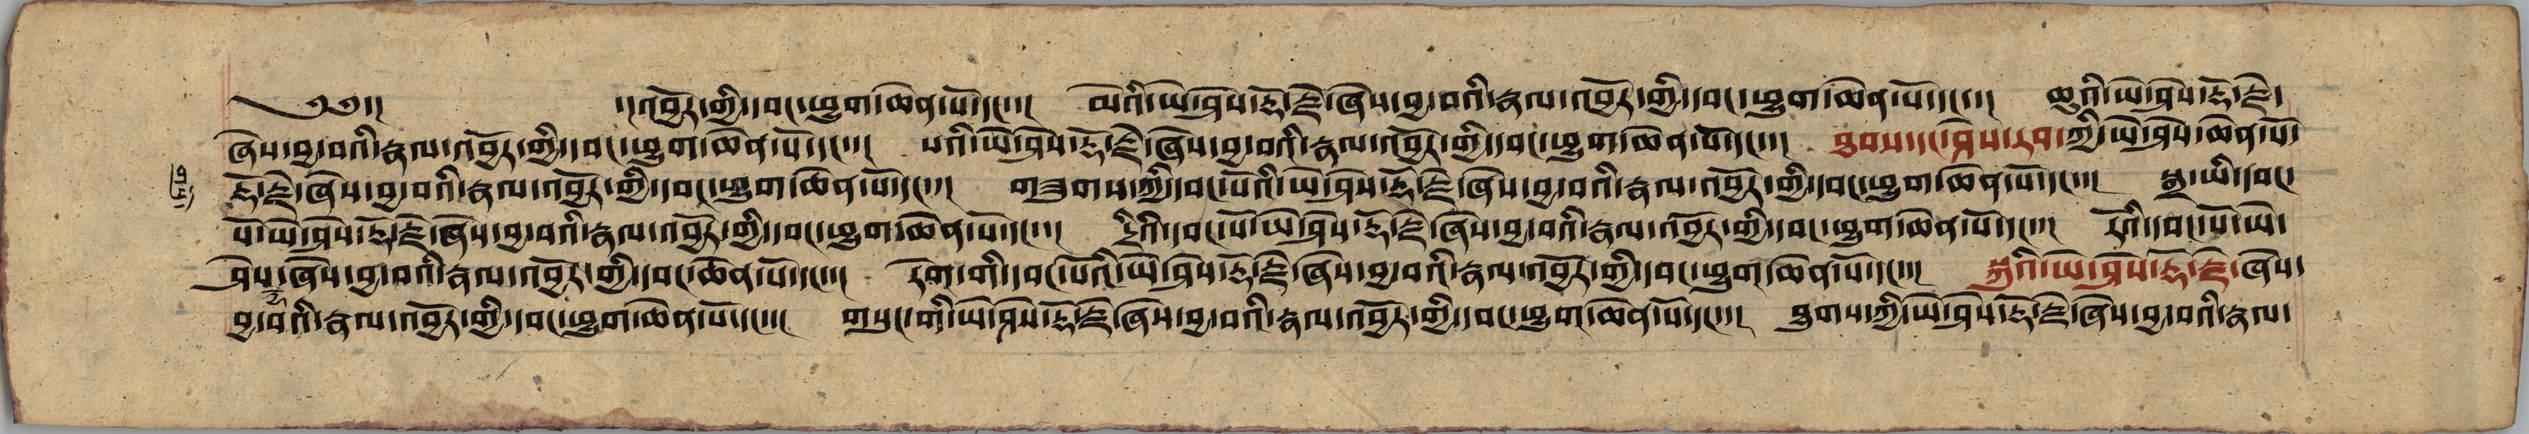༄༅་། ་།འབྱོར་གྱི་དབང་ཕྱུག་ཆེན་པོ་དང་་། མེའི་ཡེ་ཤེས་རྡོ་རྗེ་ཞེས་བྱ་བའི་རྣལ་འབྱོར་གྱི་དབང་ཕྱུག་ཆེན་པོ་དང་་། ཆུའི་ཡེ་ཤེས་རྡོ་རྗེ་
ཞེས་བྱ་བའི་རྣལ་འབྱོར་གྱི་དབང་ཕྱུག་ཆེན་པོ་དང་་། སའི་ཡེ་ཤེས་རྡོ་རྗེ་ཞེས་བྱ་བའི་རྣལ་འབྱོར་གྱི་དབང་ཕྱུག་ཆེན་པོ་དང་་། ཐབས་དང་ཤེས་རབ་ཀྱི་ཡེ་ཤེས་ཆེན་པོ་
རྡོ་རྗེ་ཞེས་བྱ་བའི་རྣལ་འབྱོར་གྱི་དབང་ཕྱུག་ཆེན་པོ་དང་་། གཟུགས་ཀྱི་དབང་པོའི་ཡེ་ཤེས་རྡོ་རྗེ་ཞེས་བྱ་བའི་རྣལ་འབྱོར་གྱི་དབང་ཕྱུག་ཆེན་པོ་དང་་། སྒྲ་ཡི་དབང་
སོ་ཡེ་ཤེས་རྡོ་རྗེ་ཞེས་བྱ་བའི་རྣལ་འབྱོར་གྱི་དབང་ཕྱུག་ཆེན་པོ་དང་་། དྲིའི་དབང་པོ་ཡེ་ཤེས་རྡོ་རྗེ་ཞེས་བྱ་བའི་རྣལ་འབྱོར་གྱི་དབང་ཕྱུག་ཆེན་པོ་དང་་། རོའི་དབང་པོ་ཡེ་
ཤེས་ཞེས་བྱ་བའི་རྣལ་འབྱོར་གྱི་དབང་ཆེན་པོ་དང་་། ཏོག་གི་དབང་པོའི་ཡེ་ཤེས་རྡོ་རྗེ་ཞེས་བྱ་བའི་རྣལ་འབྱོར་གྱི་དབང་ཕྱུག་ཆེན་པོ་དང་་། སྐུའི་ཡེ་ཤེས་རྡོ་རྗེ་ཞེས་
བྱ་བའིརྣལ་འབྱོར་གྱི་དབང་ཕྱུག་ཆེན་པོ་དང་་། གསུང་གི་ཡེ་ཤེས་རྡོ་རྗེ་ཞེས་བྱ་བའི་རྣལ་འབྱོར་གྱི་དབང་ཕྱུག་ཆེན་པོ་དང་་། ཐུགས་ཀྱི་ཡེ་ཤེས་རྡོ་རྗེ་ཞེས་བྱ་བའི་རྣལ་